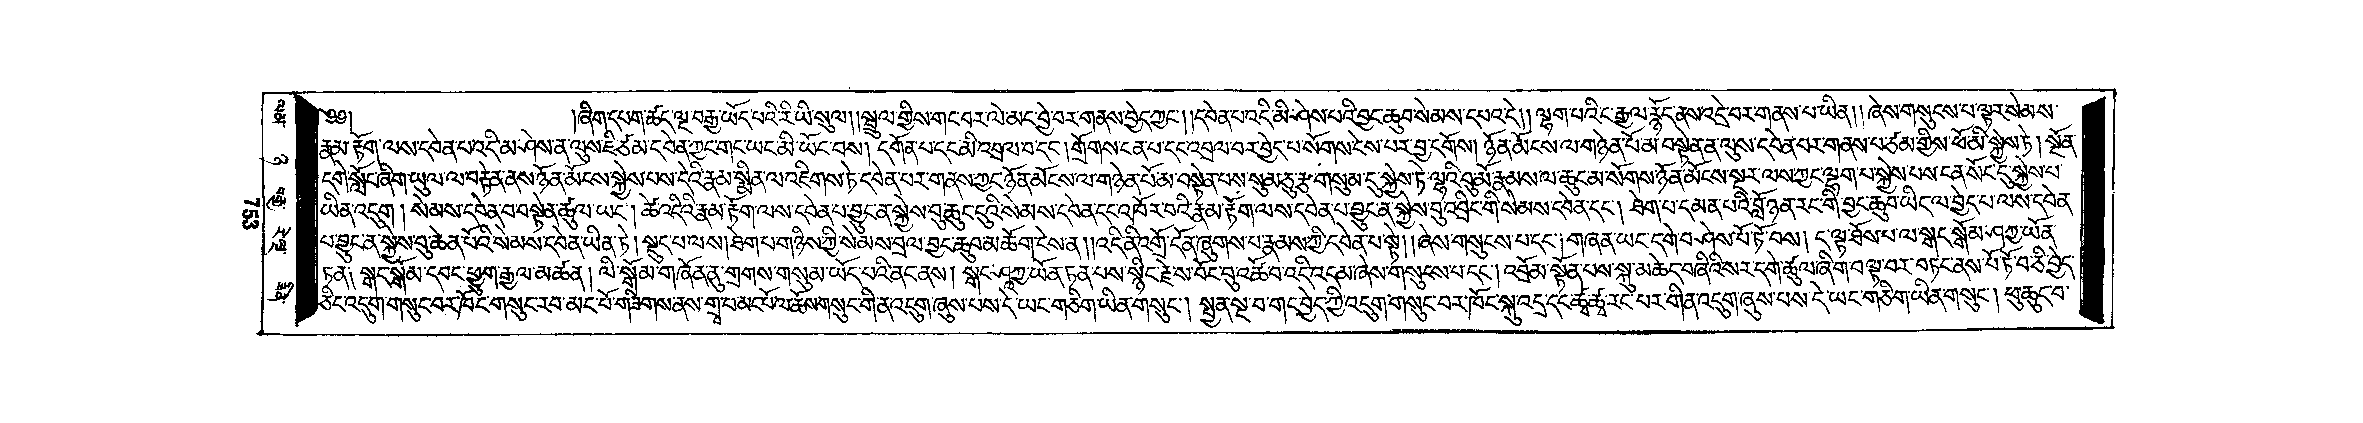༄༅། །ཞིག་དཔག་ཚད་ལྔ་བརྒྱ་ཡོད་པའི་རི་ཡི་སུལ། །སྦྲུལ་གྱིས་གང་བར་ལེ་མང་བྱེ་བར་གནས་བྱེད་ཀྱང་། །དབེན་པ་འདི་མི་ཤེས་པའི་བྱང་ཆུབ་སེམས་དཔའ་དེ། །ལྷག་པའི་ང་རྒྱལ་རྙོད་ནས་འདྲེ་བར་གནས་པ་ཡིན། །ཞེས་གསུངས་པ་ལྟར་སེམས་
རྣམ་རྟོག་ལས་དབེན་པ་འདི་མ་ཤེས་ན་ལུས་ཇི་ཙམ་དབེན་ཀྱང་གང་ཡང་མི་ཡོང་བས། དགོན་པ་དང་མི་འབྲལ་བ་དང་། གྲོགས་ངན་པ་དང་འབྲལ་བར་བྱེད་པ་སོགས་ངེས་པར་བྱ་དགོས། ཉོན་མོངས་ལ་གཉེན་པོ་མ་བསྟེན་ན་ལུས་དབེན་པར་གནས་པ་ཙམ་གྱིས་ཕོ་མི་སྐྱེས་ཏེ། སྔོན་
དགེ་སློང་ཞིག་ཡུལ་ལ་བརྟེན་ནས་ཉོན་མོངས་སྐྱེས་པས་དེའི་རྣམ་སྨིན་ལ་འཇིགས་ཏེ་དབེན་པར་གནས་ཀྱང་ཉོན་མོངས་ལ་གཉེན་པོ་མ་བསྟེན་པས་སུམ་ཅུ་རྩ་གསུམ་དུ་སྐྱེས་ཏེ་ལྷའི་བུ་མོ་རྣམས་ལ་ཆུང་མ་སོགས་ཉོན་མོངས་སྔར་ལས་ཀྱང་ལྷག་པ་སྐྱེས་པས་ངན་སོང་དུ་སྐྱེས་པ་
ཡིན་འདུག །སེམས་དབེན་བ་བསྟེན་ཚུལ་ཡང་། ཚེ་འདིའི་རྣམ་རྟོག་ལས་དབེན་པ་བྱུང་ན་སྐྱེས་བུ་ཆུང་ངུའི་སེམས་དབེན་དང་འཁོར་བའི་རྣམ་རྟོག་ལས་དབེན་པ་བྱུང་ན་སྐྱེས་བུ་འབྲིང་གི་སེམས་དབེན་དང་། ཐེག་པ་དམན་པའི་བློ་ཉན་རང་གི་བྱང་ཆུབ་ཡིད་ལ་བྱེད་པ་ལས་དབེན་
པ་བྱུང་ན་སྐྱེས་བུ་ཆེན་པོའི་སེམས་དབེན་ཡིན་ཏེ། སྡུད་པ་ལས། ཐེག་པ་གཉིས་ཀྱི་སེམས་བྲལ་བྱང་ཆུབ་མཆོག་ངེས་ན། །འདི་ནི་འགྲོ་དོན་ཞུགས་པ་རྣམས་ཀྱི་དབེན་པ་སྟེ། །ཞེས་གསུངས་པ་དང་། གཞན་ཡང་དགེ་བཤེས་པོ་ཏོ་བས། ད་ལྟ་ཐོས་པ་ལ་སྒང་སྒོམ་ཤཀྱ་ཡོན་
ཏན། སྒང་སྒོམ་དབང་ཕྱུག་རྒྱལ་མཚན། ལི་སྒོམ་གཞོན་ནུ་གྲགས་གསུམ་ཡོད་པའི་ནང་ནས། སྒང་ཤཱཀྱ་ཡོན་ཏན་པས་སྙིང་རྗེ་ས་བོང་བུ་འཚོ་བ་འདི་འདམ་ཞེས་གསུངས་པ་དང་། འབྲོམ་སྟོན་པས་སྐུ་མཆེད་བཞིའི་སར་དགེ་ཚུལ་ཞིག་བལྟ་བར་བཏང་ནས་པོ་ཏོ་བ་ཅི་བྱེད་
ཅིང་འདུག་གསུང་བར་ཁོང་གསུང་རབ་མང་པོ་གཟིགས་ནས་གྲྭ་པ་མང་པོ་ལ་ཆོས་གསུང་གི་ན་འདུག་ཞུས་པས་དེ་ཡང་གཅིག་ཡིན་གསུང་། སྤྱན་སྔ་བ་གང་བྱེད་ཀྱི་འདུག་གསུང་བར་ཁོང་སྐུ་འདྲ་དང་ཚྭ་ཚྭ་རང་པར་གིན་འདུག་ཞུས་པས་དེ་ཡང་གཅིག་ཡིན་གསུང་། ཕུ་ཆུད་བ་